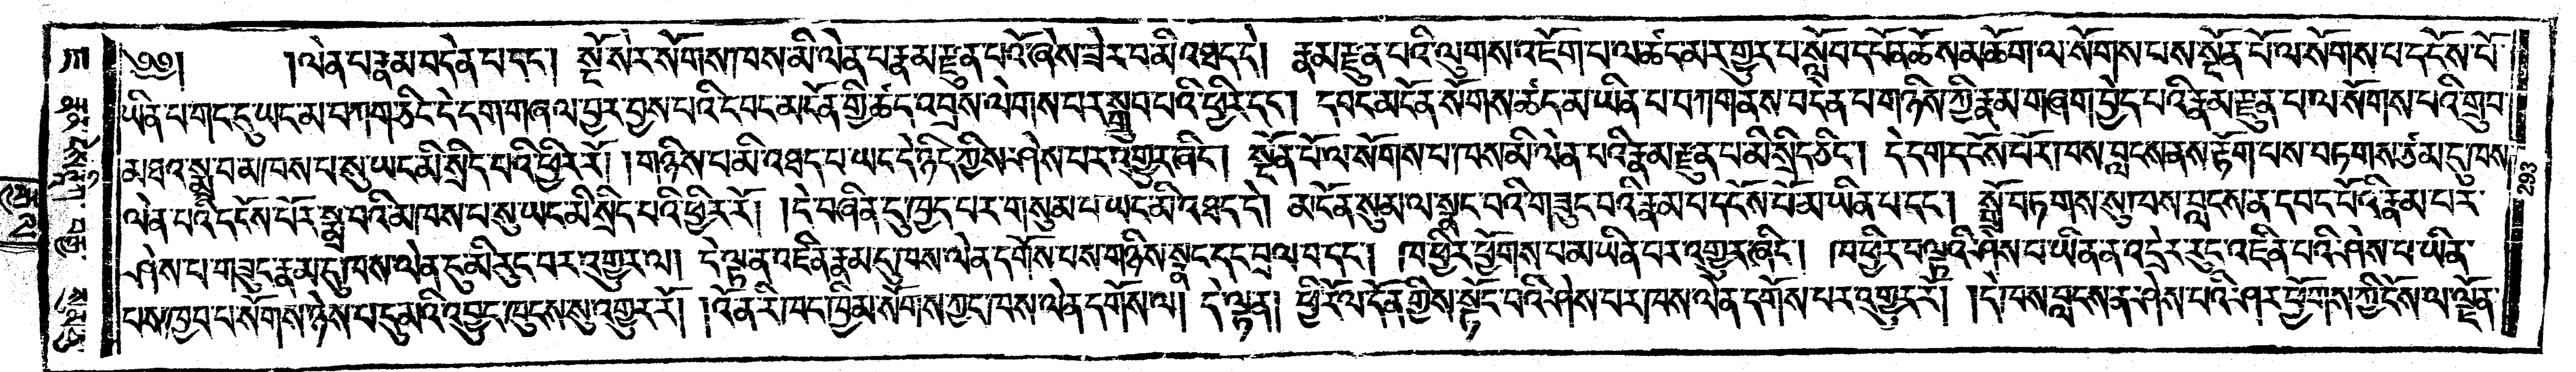༄༅། །ལེན་པ་རྣམ་བདེན་པ་དང་། སྔོ་སེར་སོགས་ཁས་མི་ལེན་པ་རྣམ་རྫུན་པའོ་ཞེས་ཟེར་བ་མི་འཐད་དེ། རྣམ་རྫུན་པའི་ལུགས་འཇོག་པ་ལ་ཚད་མར་གྱུར་པ་སློབ་དཔོན་ཆོས་མཆོག་ལ་སོགས་པས་སྔོན་པོ་ལ་སོགས་པ་དངོས་པོ་
ཡིན་པ་གང་དུ་ཡང་མ་བཀག་ཅིང་དེ་དག་གཞལ་བྱར་བྱས་པའི་དབང་མངོན་གྱི་ཚད་འབྲས་ལེགས་པར་སྒྲུབ་པའི་ཕྱིར་དང་། དབང་མངོན་སོགས་ཚད་མ་ཡིན་པ་བཀག་ནས་བདེན་པ་གཉིས་ཀྱི་རྣམ་གཞག་བྱེད་པའི་རྣམ་རྫུན་པ་ལ་སོགས་པའི་གྲུབ་
མཐའ་སྨྲ་བ་མཁས་པ་སུ་ཡང་མི་སྲིད་པའི་ཕྱིར་རོ། །གཉིས་པ་མི་འཐད་པ་ཡང་དེ་ཉིད་ཀྱིས་ཤེས་པར་འགྱུར་ཞིང་། སྔོན་པོ་ལ་སོགས་པ་ཁས་མི་ལེན་པའི་རྣམ་རྫུན་པ་མི་སྲིད་ཅིང་། དེ་དག་དངོས་པོར་ཁས་བླངས་ནས་རྟོག་པས་བཏགས་ཙམ་དུ་ཁས་
ལེན་པའི་དངོས་པོར་སྨྲ་བའི་མཁས་པ་སུ་ཡང་མི་སྲིད་པའི་ཕྱིར་རོ། །དེ་བཞིན་དུ་ཁྱད་པར་གསུམ་པ་ཡང་མི་འཐད་དེ། མངོན་སུམ་ལ་སྣང་བའི་གཟུང་བའི་རྣམ་པ་དངོས་པོ་མ་ཡིན་པ་དང་། སྒྲོ་བཏགས་སུ་ཁས་བླངས་ན་དབང་པོའི་རྣམ་པར་
ཤེས་པ་གཟུང་རྣམ་དུ་ཁས་ལེན་དུ་མི་རུང་བར་འགྱུར་ལ། དེ་ལྟ་ན་འཛིན་རྣམ་དུ་ཁས་ལེན་དགོས་པས་གཉིས་སྣང་དང་བྲལ་བ་དང་། ཁ་ཕྱིར་ཕྱོགས་པ་མ་ཡིན་པར་འགྱུར་ཞིང་། ཁ་ཕྱིར་བལྟའི་ཤེས་པ་ཡིན་ན་འདྲེར་རུང་འཛིན་པའི་ཤེས་པ་ཡིན་
པས་ཁྱབ་པ་སོགས་ཉེས་པ་དུ་མའི་འབྱུང་ཁུངས་སུ་འགྱུར་རོ། །འོ་ན་རི་ཁང་ཁྱིམ་སོགས་ཀྱང་ཁས་ལེན་དགོས་ལ། དེ་ལྟ་ན། ཕྱི་རོལ་དོན་གྱིས་སྟོང་པའི་ཤེས་པར་ཁས་ལེན་དགོས་པར་འགྱུར་རོ། །དེ་ཁས་བླངས་ན་ཤེས་པའི་ཤར་ཕྱོགས་ཀྱི་ངོས་ལ་ལྗོན་